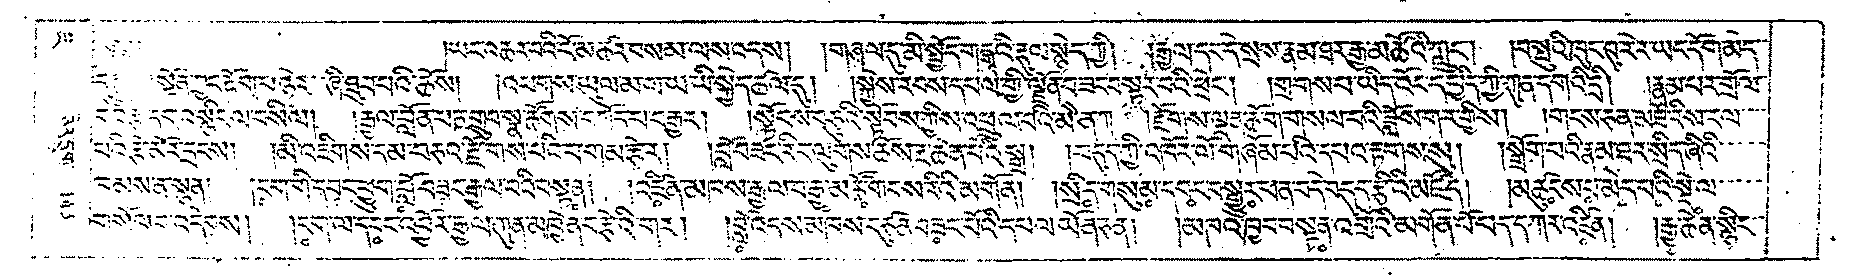༄༅། །ཡང་འཆར་བའི་ངོ་མཚར་བསམ་ལས་འདས། །གཞལ་དུ་མི་སྤྱོད་གངྒཱའི་རྡུལ་སྙེད་ཀྱི། །རྒྱལ་དང་དེ་སྲས་རྣམ་ཐར་རྒྱ་མཚོའི་ཀླུང་། །བ་སྤུའི་ཁུང་བུ་རེར་ཡང་དོག་མེད་
དུ༑ ༑སྟོན་ཀྱང་རྟོག་པ་ཉེར་ཞི་ཐུབ་པའི་ཆོས། །འཕགས་ཡུལ་མ་ལ་ཡ་ཡི་སྐྱེད་ཚལ་དུ། །སྐྱེས་རབས་དཔལ་གྱི་ལྗོན་བཟང་བསྟར་བའི་ཕྲེང་། །གྲགས་པ་ཡིད་འོང་དཔྱིད་ཀྱི་ཀུན་དགའི་དྲི། །རྣམ་པར་གྲོལ་
བའི་རྩེ་དགའ་སྙིང་ལ་བསིལ། །རྒྱལ་བློན་པཎ་གྲུབ་སྣ་ཚོགས་བཀོད་པ་བརྒྱར། །སྟོབས་བཅུའི་སྟོབས་ཀྱིས་འཕྲུལ་བའི་མཻ་ན་ཀ །རྫོགས་ལྡན་ཆོ་ག་གསལ་བའི་ཟློས་གར་གྱིས། །གངས་ཅན་མཐོ་རིས་རལ་
པའི་རྩེ་མོར་དྲངས། །མི་འཇིགས་དམ་བཅའ་རྫོགས་པའི་བ་གམ་རྩེར། །བློ་བཟང་རིང་ལུགས་ཆོས་རྔ་ཆེན་པོའི་སྒྲ། །བདུད་ཀྱི་འཁོར་ལོ་གཞོམ་པའི་དཔའ་རྟགས་སུ། །སྒྲོག་པའི་རྣམ་ཐར་སྲིད་ཞིའི་
ཁམས་ན་སྙན། །ངག་གི་དབང་ཕྱུག་བློ་བཟང་རྒྱལ་བའི་བསྟན། །འཛིན་མཁས་རྒྱལ་བ་རྒྱ་མཚོ་གངས་རིའི་མགོན། །སྲིད་གསུམ་དབང་བསྒྱུར་ཕན་བདེ་བདུད་རྩིའི་མཛོད། །མཚུངས་པ་མེད་པའི་སྡེ་ལ་
གསོལ་བ་འདེབས། །ངག་ལ་དབང་འབྱོར་རྒྱལ་ཀུན་མཁྱེན་བརྩེའི་གར། །བློ་འདས་མཁས་བཙུན་བཟང་པོའི་དཔལ་ཡོན་ཅན། །མཁའ་ཁྱབ་བསྟན་འགྲོའི་མགོན་པོ་པད་དཀར་འཛིན། །རྒྱ་ཆེན་སྙིང་